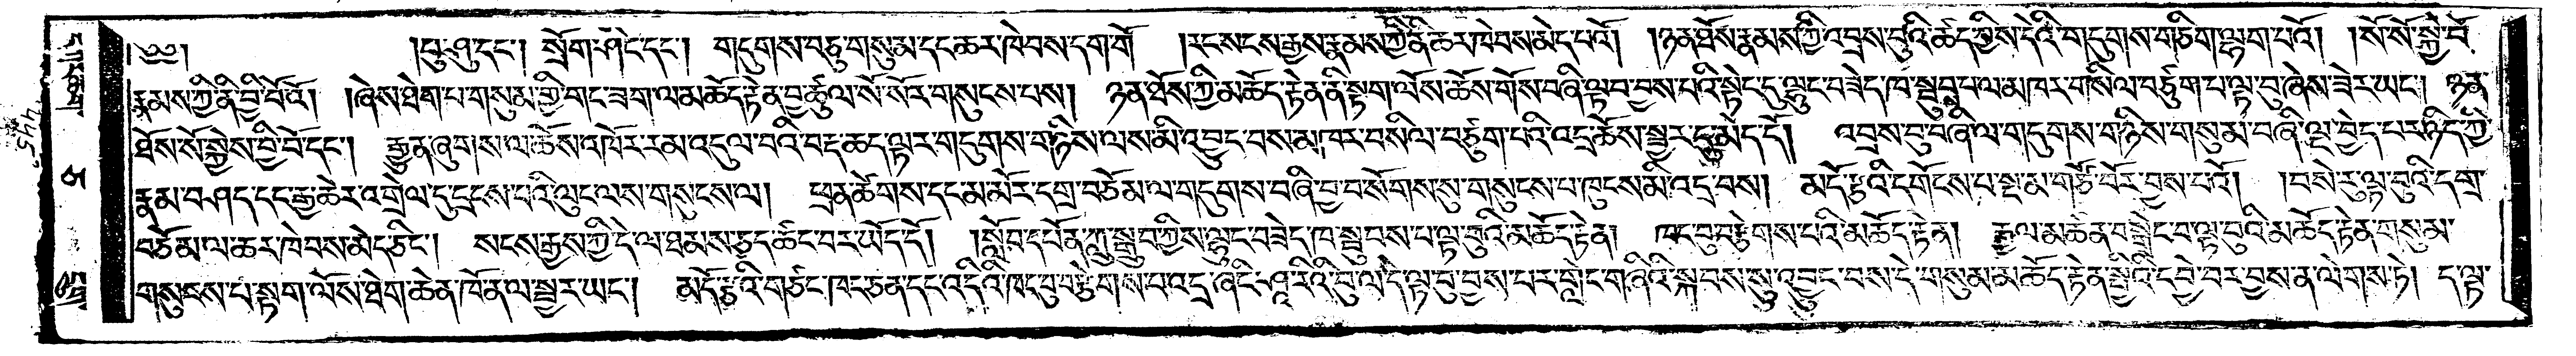༄༅། །བུ་ཤུ་དང་། སྲོག་ཤིང་དང་། གདུགས་བཅུ་གསུམ་དང་ཆར་ཁེབས་དག་གོ །རང་སངས་རྒྱས་རྣམས་ཀྱི་ནི་ཆར་ཁེབས་མེད་བའོ། །ཉན་ཐོས་རྣམས་ཀྱི་འབྲས་བུའི་ཚད་ཀྱིས་དེའི་གདུགས་གཅིག་ལྷག་པའོ། །སོ་སོ་སྐྱེ་བོ་
རྣམས་ཀྱི་ནི་བྱི་བོའོ། །ཞེས་ཐེག་པ་གསུམ་གྱི་གང་ཟག་ལ་མཆོད་རྟེན་བྱ་ཚུལ་སོ་སོར་གསུངས་པས། ཉན་ཐོས་ཀྱི་མཆོད་རྟེན་ནི་སྟག་ལོས་ཆོས་གོས་བཞི་ལྟ་བ་བྱས་པའི་སྟེང་དུ་ལྷུང་བཟེད་ཁ་སྦུབས་ལ་མཁར་གསིལ་བཙུག་པ་ལྟ་བུ་ཞེས་ཟེར་ཡང་། ཉན་
ཐོས་སོ་སྐྱེས་བྱི་བོ་དང་། རྒྱུན་ཞུགས་ལ་ཆོས་འཁོར་རམ་འདུལ་བའི་བརྡ་ཆད་ལྟར་གདུགས་གཉིས་ལས་མི་འབྱུང་བས་མཁར་བསིལ་བཙུག་པའི་འདྲ་ཆོས་སྦྱར་དུ་མེད་དོ། འབྲས་བུ་བཞི་ལ་གདུགས་གཉིས་གསུམ་བཞི་ལྔ་བྱེད་པར་ཉིད་ཀྱི་
རྣམ་བཤད་དང་རྒྱ་ཆེར་འགྲེལ་དུ་དྲངས་པའི་ལུང་ལས་གསུངས་ལ། ཕྲན་ཚོགས་དང་མ་མོར་དགྲ་བཅོམ་ལ་གདུགས་བཞི་བྱ་བ་སོགས་སུ་གསུངས་པ་ཁུངས་མི་འདྲ་བས། མདོ་རྩའི་དགོངས་བ་སྔ་མ་གཙོ་བོར་བྱས་པའོ། །བསེ་རུ་ལྟ་བུའི་དགྲ་
བཅོམ་ལ་ཆར་ཁེབས་མེད་ཅིང་། སངས་རྒྱས་ཀྱི་དེ་ལ་ཐམས་ཅད་ཚང་བར་ཡོད་དོ། །སློབ་དཔོན་ཀླུ་སྒྲུབ་ཀྱིས་ལྷུང་བཟེད་ཁ་སྦུབས་པ་ལྟ་བུའི་མཆོད་རྟེན། ཁང་བུ་བརྩེགས་པའི་མཆོད་རྟེན། རྒྱལ་མཚན་བསྒྲེང་བ་ལྟ་བུའི་མཆོད་རྟེན་གསུམ་
གསུངས་པ་སྟག་ལོས་ཐེག་ཆེན་ཁོ་ན་ལ་སྦྱར་ཡང་། མདོ་རྩའི་གཙང་ཁང་ཅན་དང་འདིའི་ཁང་བུ་བརྩེགས་པ་འདྲ་ཞིང་ཤཱ་རིའི་བུ་ལ་དེ་ལྟ་བུ་བྱས་པར་གླེང་གཞིའི་སྐབས་སུ་འབྱུང་བས་དེ་གསུམ་མཆོད་རྟེན་སྦྱིའི་དབྱེ་བར་བྱས་ན་ལེགས་ཏེ། ད་ལྟ་